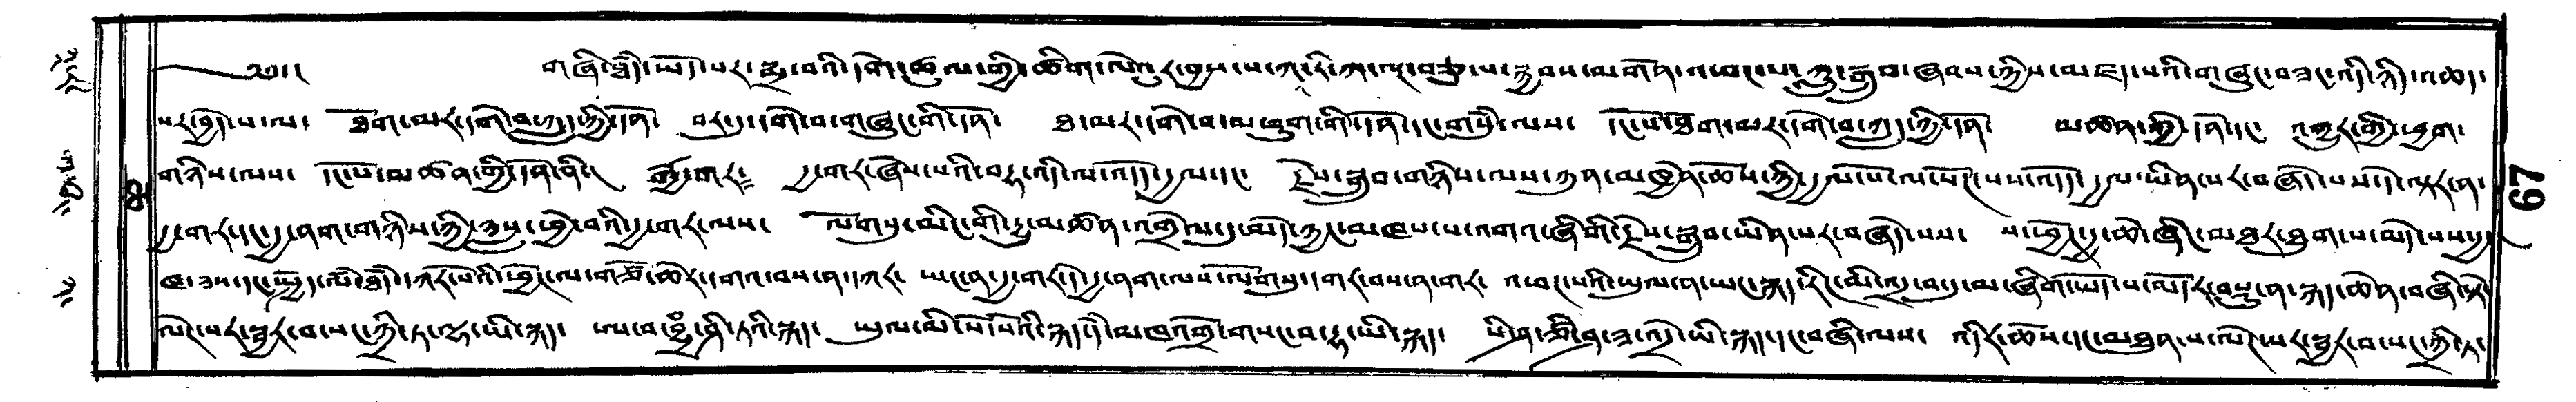༄༅། གཞི་ཐམས་ཅད་ཡོད་པར་སྨྲ་བའི་དགེ་ཚུལ་གྱི་ཚིག་ལེའུར་བྱས་པ་ཀཱ་རི་ཀ་ལྔ་བཅུ་པ་དཔལ་མགོན་འཕགས་པ་ཀླུ་སྒྲུབ་ཞབས་ཀྱིས་མཛད་པའི་གཞུང་བཟང་འདི་ཉིད་འཆད་
པར་བྱེད་པ་ལ། ཐོག་མར་དགེ་བ་ཀླད་ཀྱི་དོན། བར་དུ་དགེ་བ་གཞུང་གི་དོན། ཐ་མར་དགེ་བ་མཇུག་གི་དོན་དང་གསུམ་ལས། དང་པོ་ཐོག་མར་དགེ་བ་ཀླད་ཀྱི་དོན་ལ་མཚན་གྱི་དོན་དང་། འགྱུར་གྱི་ཕྱག་
གཉིས་ལས། དང་པོ་མཚན་གྱི་དོན་ནི། རྒྱ་གར༴ སོགས། རྒྱ་གར་ཞེས་པའི་བརྡ་འདི་ལ་འདོད་རྒྱལ་དང་། རྗེས་སྒྲུབ་གཉིས་ལས་ཀུན་མཁྱེན་ཆོས་ཀྱི་རྒྱལ་པོ་ལ་སོགས་པས་འདོད་རྒྱལ་ཡིན་པར་བཞེད་པས་དེ་ལྟར་ན་
རྒྱ་གར་དང་རྒྱ་ནག་གཉིས་ཀྱི་ཟླས་ཕྱེ་བའི་རྒྱ་གར་ལས། ལོགས་སུ་མིང་གི་རྒྱུ་མཚན་འགྲེལ་དུ་མེད་ཀྱང་མཁས་པ་འགའ་ཞིག་གི་རྗེས་སྒྲུབ་ཡིན་པར་བཞེད་པས། ས་ཕྱོགས་རྒྱ་ཆེ་ཞིང་མཐར་ཐུག་པ་མེད་པས་རྒྱ། 
ཁ་ཟས་དང་སྤྱོད་ལམ་ཐམས་ཅད་དཀར་པོའི་ཕྱོགས་ལ་གཙོ་ཆེར་དགའ་བས་ན་དཀར། ཡང་ན་རྒྱ་གར་དེ་རྒྱ་ནག་ལས་ལོགས་སུ་དགར་བས་ན་གར། འཕགས་པའི་ཡུལ་ན་ཡང་སྐད་རིགས་མི་འདྲ་བ་དུ་མ་ཞིག་ཡོད་པ་མདོར་བསྡུ་ན་སྐད་ཆེན་བཞི་སྟེ་
ལེགས་པར་སྦྱར་བ་སཾསྐྲིཏ་ལྷ་ཡི་སྐད། ཨ་བ་བྷྲཾ་ཤི་ཏའི་སྐད། ཡུལ་མི་སོ་སོའི་སྐད་དམ་མཁའ་འགྲོ་གསང་བ་བརྡ་ཡི་སྐད། པི་ཤ་ཙི་ཤ་ཟ་འདྲེ་ཡི་སྐད་དང་བཞི་ལས། འདིར་ཆོས་དང་མཐུན་པ་ལེགས་པར་སྦྱར་བ་སཾསྐྲིཏ་